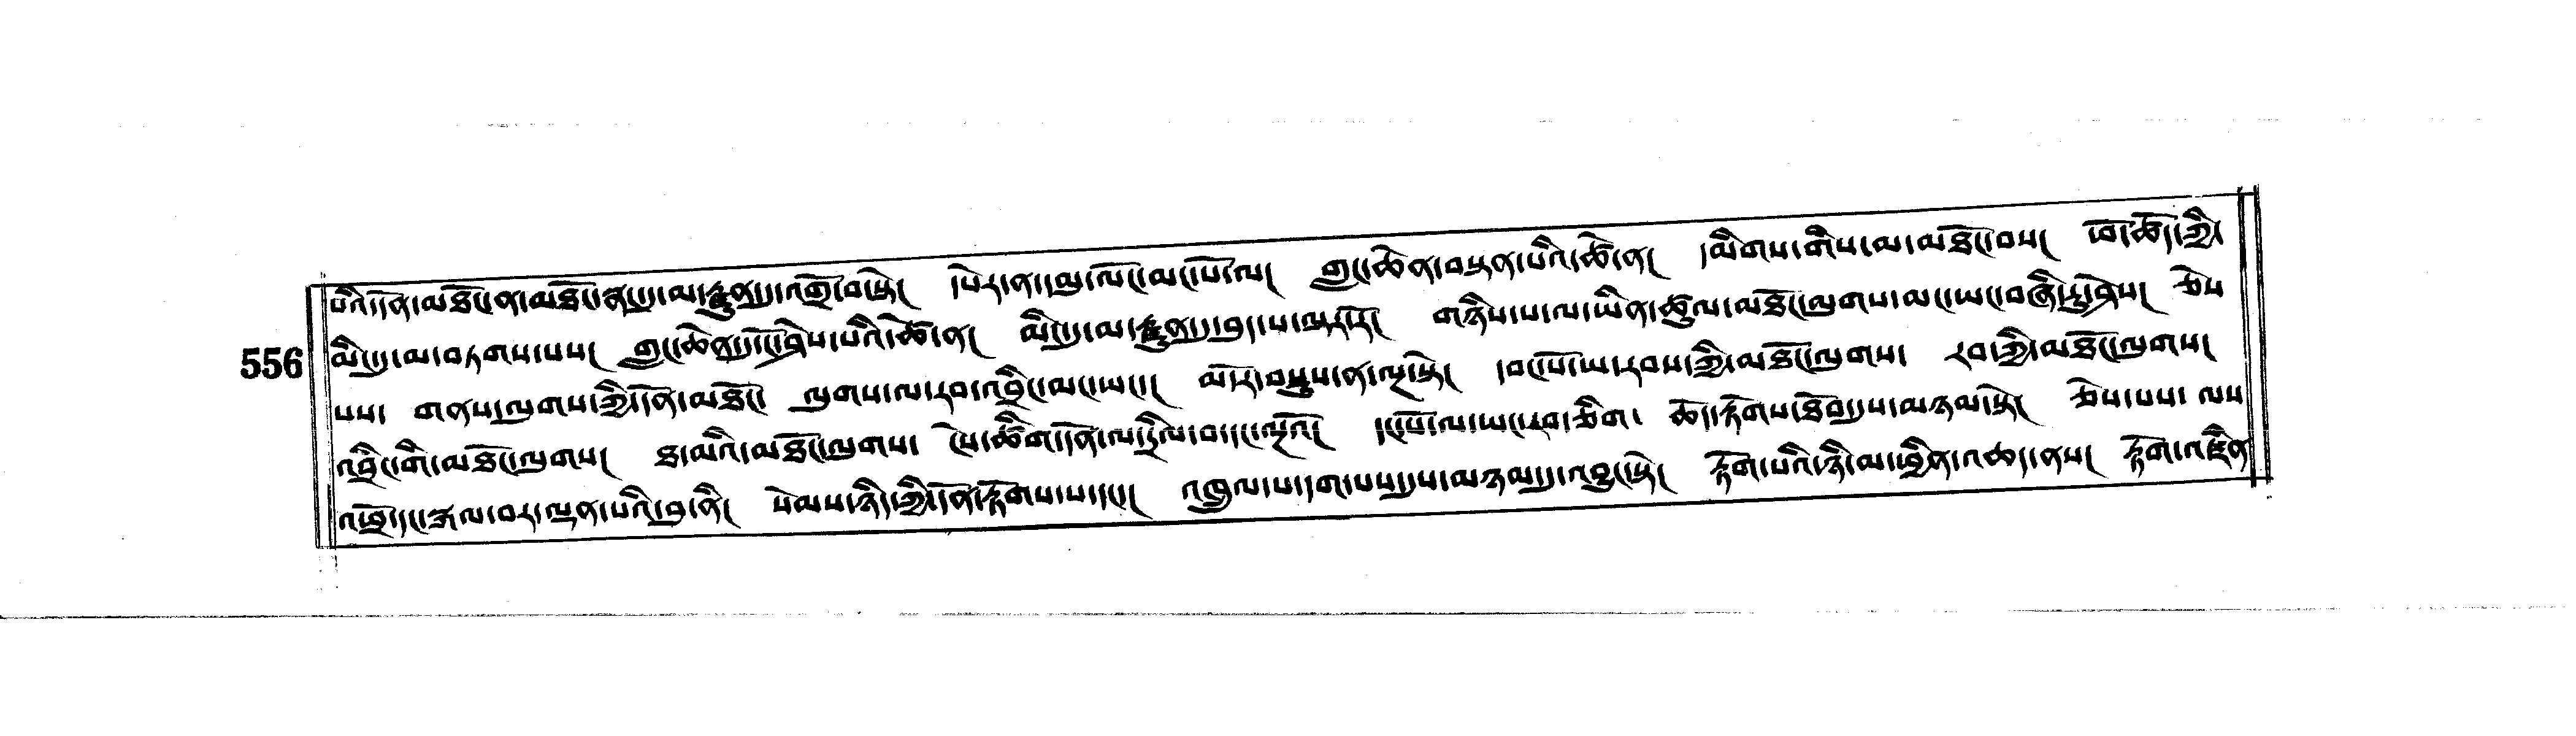པའི་དོན་མཐོང་ན་མཐོང་སྣང་དུ་མ་རྫུན་དུ་འགྲོ་བ་སྟེ། དཔེར་ན་དམུས་ལོང་མང་པོ་ལ་གླང་ཆེན་བསྟན་པའི་ཚེ་ན། དམིགས་གིས་མ་མཐོང་བས། ཕོ་ཚོད་ཀྱིས་
མིང་དུ་མ་བཏགས་པས། གླང་ཆེན་དུ་ངོ་ཤེས་པའི་ཚེ་ན། མིང་དུ་མ་རྫུན་དུ་བུད་པ་ལྟར་རོ། གཉིས་པ་ལ་ཡིན་ཚུལ་མཐོང་ལུགས་མང་ཡང་བཞི་རུ་ཤེས། ཅེས་
པས། གནས་ལུགས་ཀྱི་དོན་མཐོང་ལུགས་ལ་རབ་འབྲིང་མང་ཡང་མདོར་བསྡུས་ན་ལྔ་སྟེ། དབང་པོ་ཡང་རབས་ཀྱི་མཐོང་ལུགས། རབ་ཀྱི་མཐོང་ལུགས། 
འབྲིང་གི་མཐོང་ལུགས། ཐ་མའི་མཐོང་ལུགས། ངེས་ཚིག་དོན་ལ་དྲིལ་བ་དང་ལྔའོ། དང་པོ་ལ་ཡང་། རབ་གཅིག་ཆོད་རྟོགས་ཐོབ་དུས་མཉམ་སྟེ། ཅེས་པས། ལས་
འཕྲོ་དང་སྐལ་པ་ལྡན་པའི་བུ་ནི། སེམས་ཉིད་ཀྱི་དོན་རྟོགས་པ་དང་། འཁྲུལ་པ་དག་པས་དུས་མཉམ་དུ་འབྱུང་སྟེ། རྟོག་པའི་ཉི་མ་ཕྱིན་ཆད་ནས། རྟོག་འཛིན་